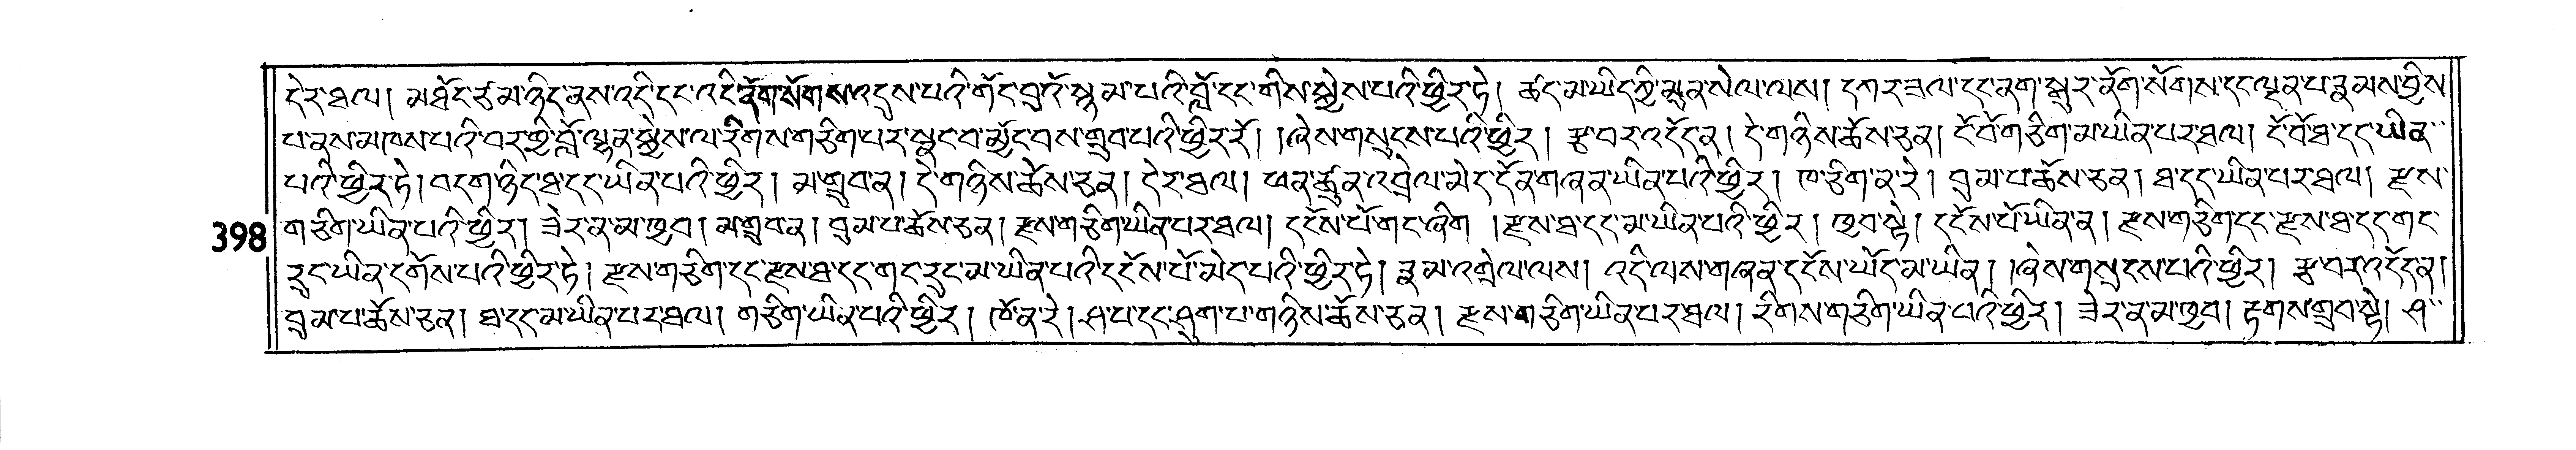དེར་ཐལ། མཐོང་ཙམ་ཉིད་ནས་འདི་དང་འདི་ངོ་སོགས་འདུས་པའི་གོང་བུ་འོ་སྙམ་པའི་བློ་དང་གིས་སྐྱེས་པའི་ཕྱིར་ཏེ། ཚང་མ་ཡིན་ཀྱི་མུན་སེལ་ལས། དཀར་ཟལ་དང་ནག་སྒུར་ནོར་སོགས་དང་ལྡན་པ་རྣམས་བྱིས་
པ་ནས་མཁས་པའི་བར་གྱི་བློ་ལྡང་སྐྱེས་ལ་རིགས་གཅིག་པར་སང་བ་མྱོན་བ་གྲུབ་པའི་ཕྱིར་རོ། །ཞེས་གསུངས་པའི་ཕྱིར། རྩ་བ་འདོད་ན། དེ་གཉིས་ཆོས་ཅན། ངོ་བོ་གཅིག་མ་ཡིན་པར་ཐལ། ངོ་བོ་ཐ་དད་ཡིན་
པའི་ཕྱིར་ཏེ། བདག་ཉིད་ཐ་དད་ཡིན་པའི་ཕྱིར། མ་གྲུབ་ན། དེ་གཉིས་ཆོས་ཅན། དེར་ཐལ། ཕན་ཚུན་འབྲེལ་མེད་དོང་ཞན་ཡིན་པའི་ཕྱིར། ཁ་ཅིག་ན་རེ། བུམ་པ་ཆོས་ཅན། ཐ་དད་ཡིན་པར་ཐལ། རྫས་
གཅིག་ཡིན་པའི་ཕྱིར། ཟེར་ན་མ་ཁྱབ། མ་གྲུབ་ན། བུམ་པ་ཆོས་ཅན། རྫས་གཅིག་ཡིན་པར་ཐལ། དངོས་པོ་གོང་ཞིག །རྫས་ཐ་དད་མ་ཡིན་པའི་ཕྱིར། ཁྱབ་སྟེ། དངོས་པོ་ཡིན་ན། རྫས་གཅིག་དང་རྫས་ཐ་དང་གང་
རུང་ཡིན་དགོས་པའི་ཕྱིར་ཏེ། རྫས་གཅིག་དང་རྫས་ཐ་དང་གང་རུང་མ་ཡིན་པའི་དངོས་པོ་མེད་པའི་ཕྱིར་ཏེ། རྣམ་འགྲེལ་ལས། འདི་ལས་གཞན་དངོས་ཡོད་མ་ཡིན། །ཞེས་གསུངས་པའི་ཕྱིར། རྩ་བ་འདོད་ན།
བུམ་པ་ཆོས་ཅན། ཐ་དད་མ་ཡིན་པར་ཐལ། གཅིག་ཡིན་པའི་ཕྱིར། ཁོ་ན་རེ། ཤ་པ་དང་ཤུགས་པ་གཉིས་ཆོས་ཅན། རྫས་གཅིག་ཡིན་པར་ཐལ། རིགས་གཅིག་ཡིན་པའི་ཕྱིར། ཟེར་ན་མ་ཁྱབ། རྟག་གྲུབ་སྟེ། ཤ་